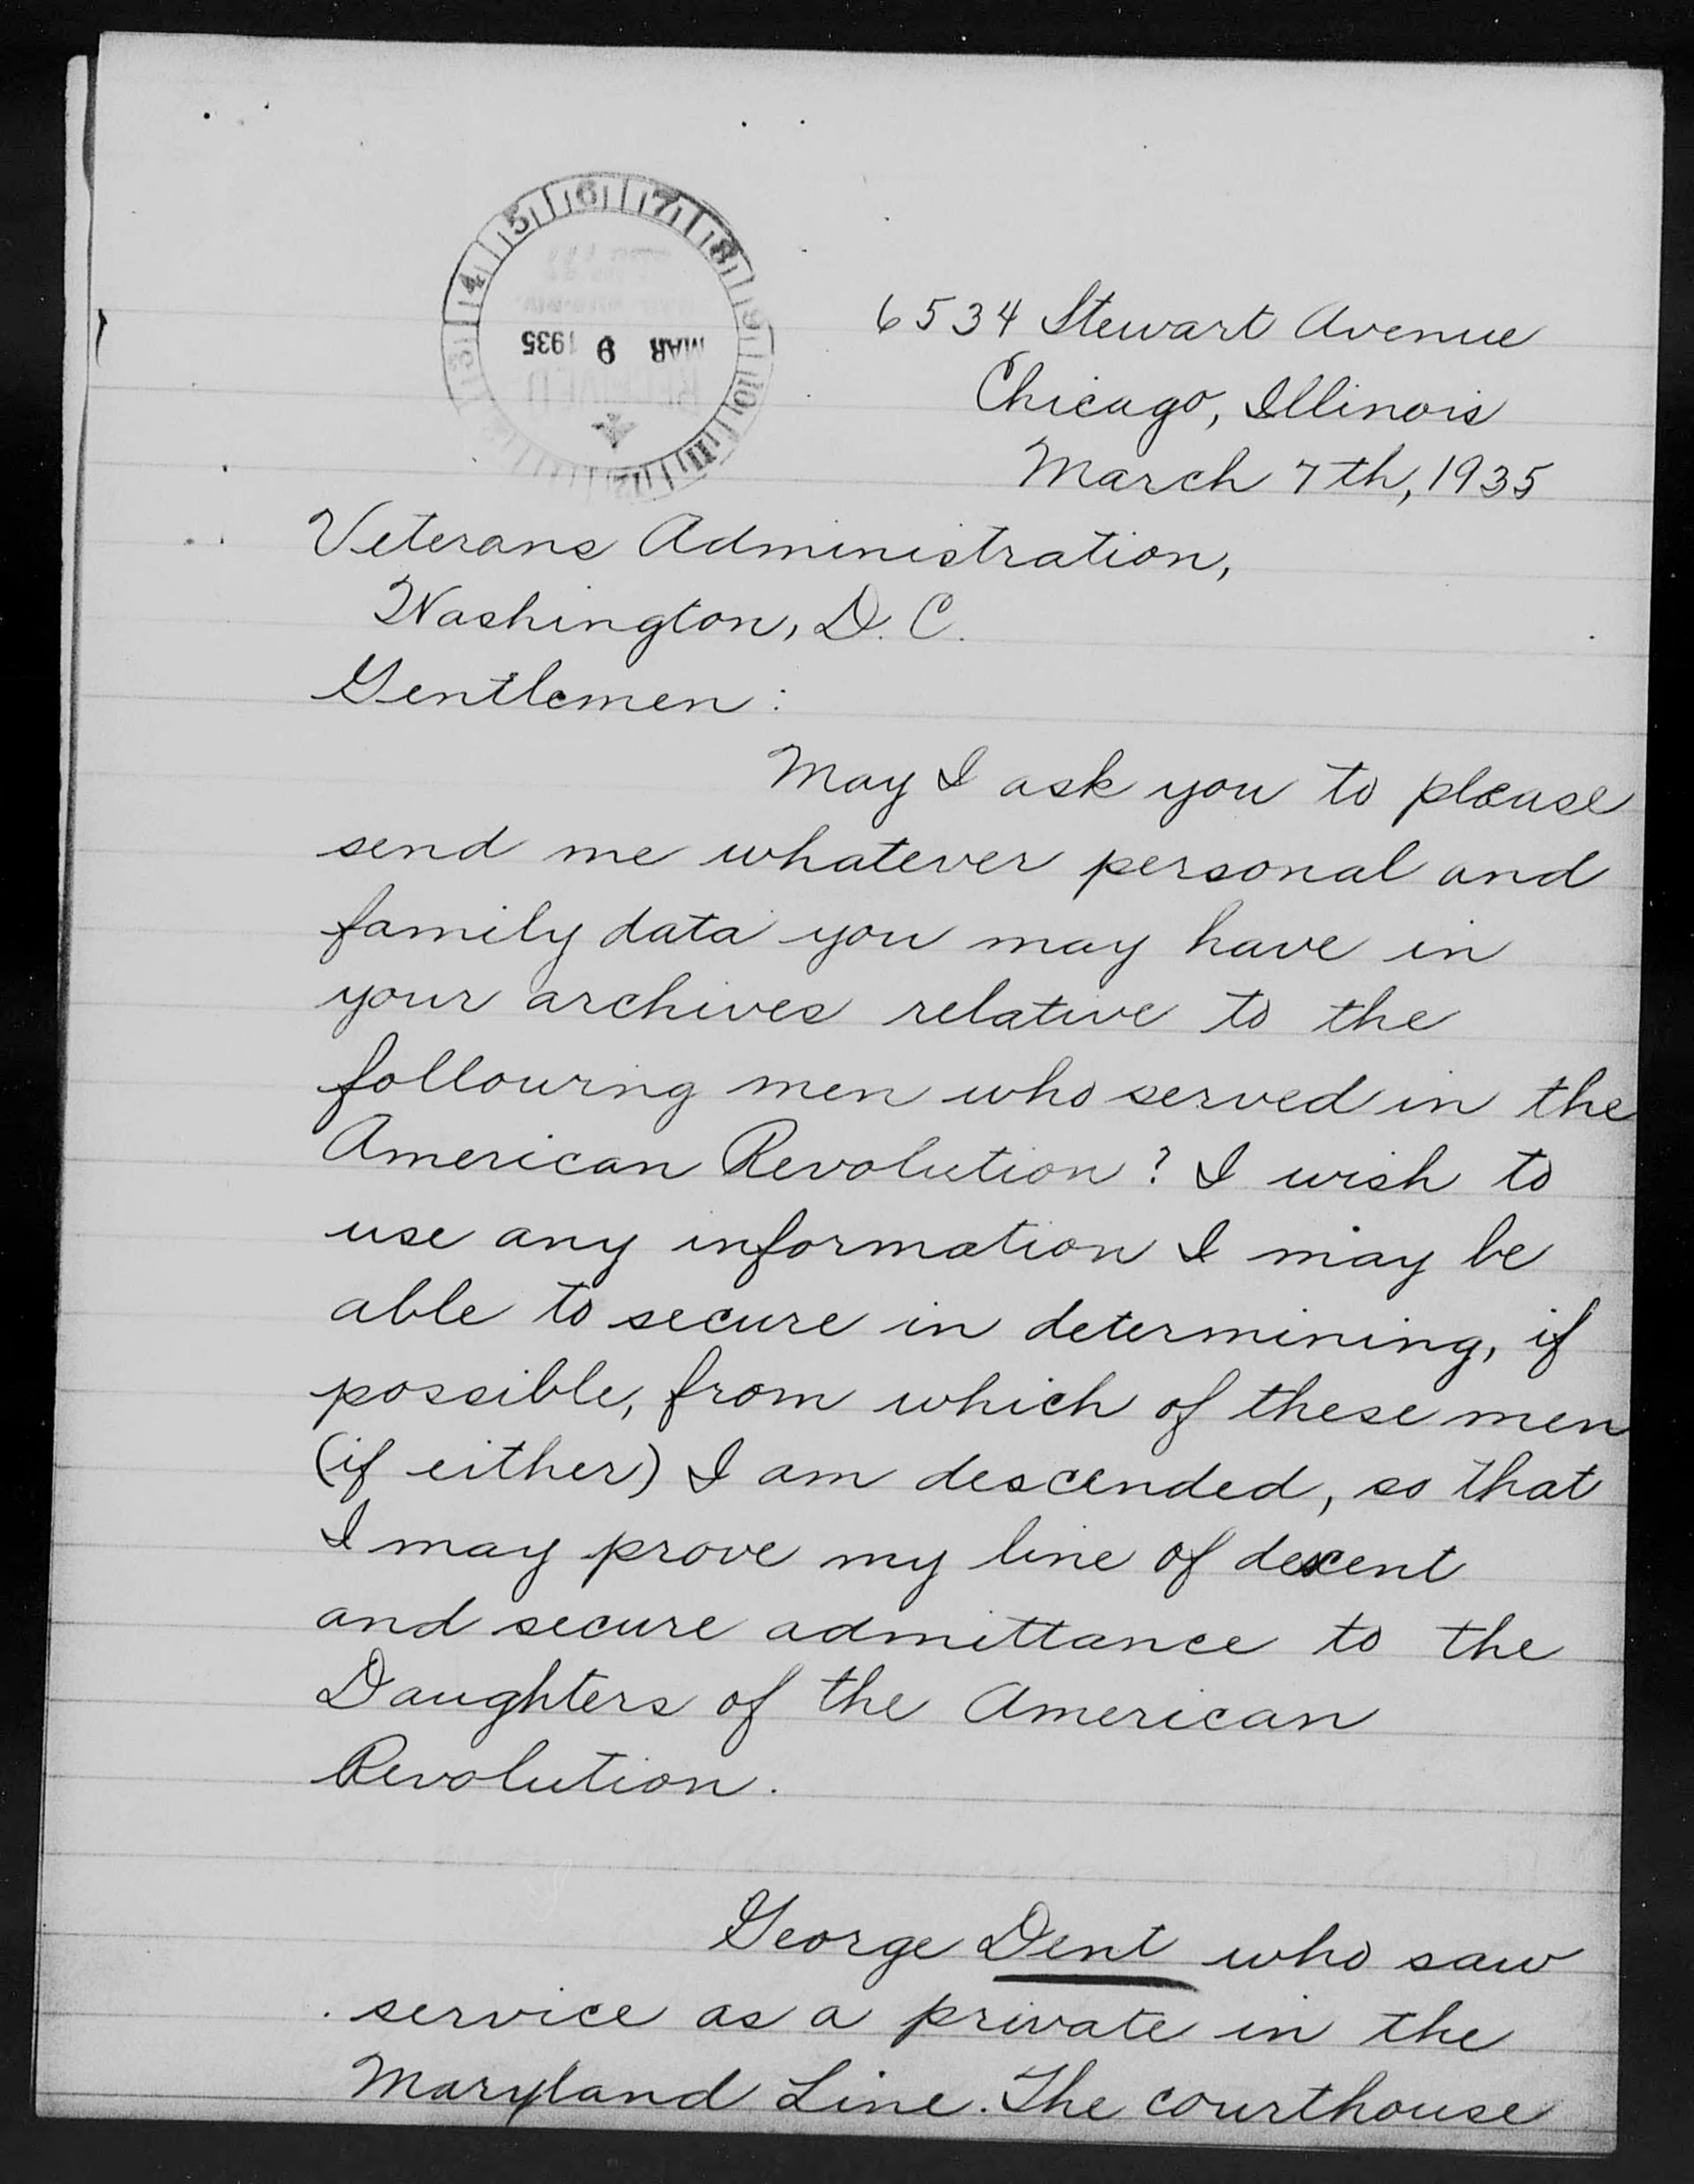Received stamp, Mar 9, 1935

6534 Stewart Avenue
Chicago, Illinois
March 7th, 1935
Veterans Administration Washington D.C.

Gentlemen:
May I ask you to please send me whatever personal and family data you may have in your archives relative to the following men who served in the American Revolution? I wish to use any information I may be able to secure in determining, if possible, from which of these men (if either) I am descended, so that I may prove my line of descent and secure admittance to the Daughters of the American Revolution.

George Dent who saw service as a private in the Maryland Line. The courthouse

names: George Dent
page: 27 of 49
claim: survivor's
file: S. 12755, George Dent, Md.